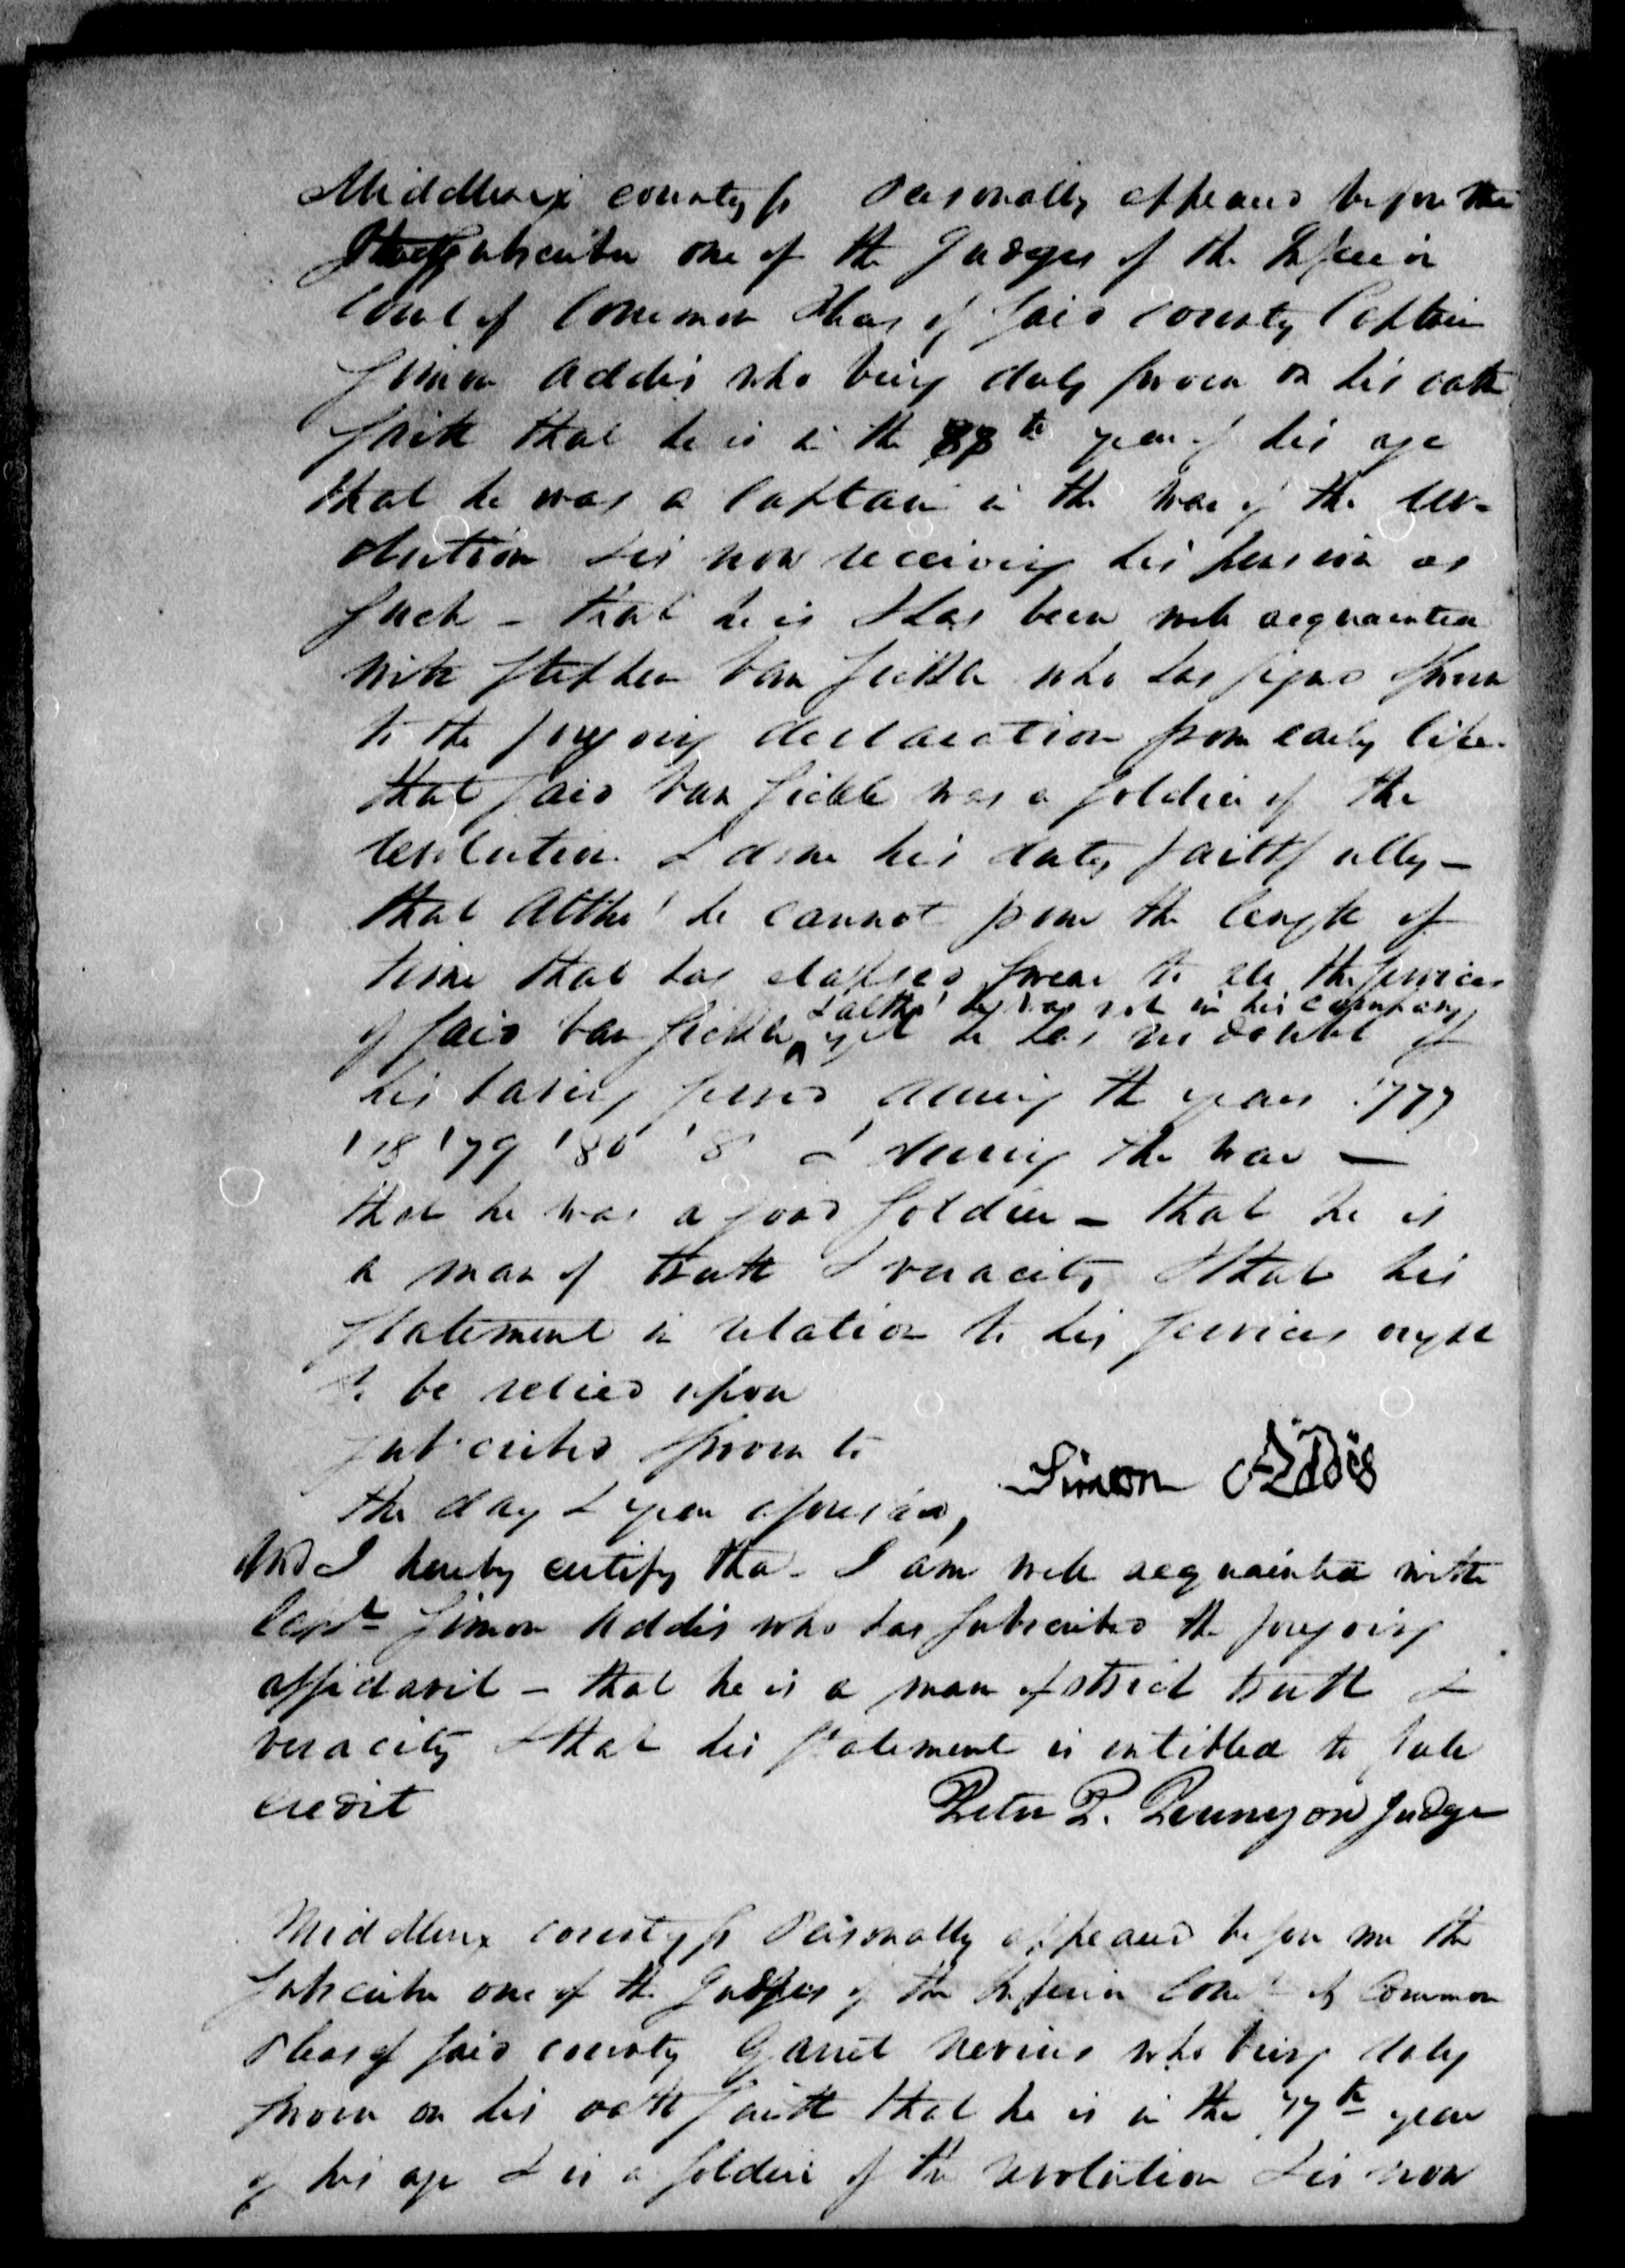Middlesex County personally appeared before the
subscriber one of the Judges of the fee or
Court of Common has of said County Contain
in addis who being duly sworn on his oath
saith that he is the 27th year dise
that he was a captain in the war of the
olution is now receiving his pension as
such that is has been well acquainted with
Stephen Van Sickle who has signed
to the forgoing declaration from early life
that said bar feeble was a soldier of the
revolution & me his duty faithfully that
altho he cannot from the death of
time that has elapsed rear to the services
Saith by not in his company
---
shares of
his having find aming the year 1777
118179180 being the war
that he was a good soldier that he is
man of truth Iracity that his
Statement in relation to his services and
be relied upon
at crites from to
the day & year aforesaid
Simon Lodes
And I hereby certify that I am well acquainted with
Capt Simon Addis who has subscribed the forgoing
affidavit that he is a man of strict truth
veracity & that his statement is entitled to full
credit
Peter P. Runyon Judge
Middlesex County Personally appeared before me the
Sanch one of the Judges of the Inferior Court of Common
Pleas of said County Ganet Nevins who being duly
Sworn on his oath saith that he is in the 77th year
of his age & is a soldier of the revolution is now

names: Van Sickle, Stephen Van Sickle, Van Sickle, Peter P Runyon, Simon Addis, Simon Addis, Simon Addis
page: 9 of 12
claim: survivor's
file: S. 1136, Stephen Van Sickle, New Jersey